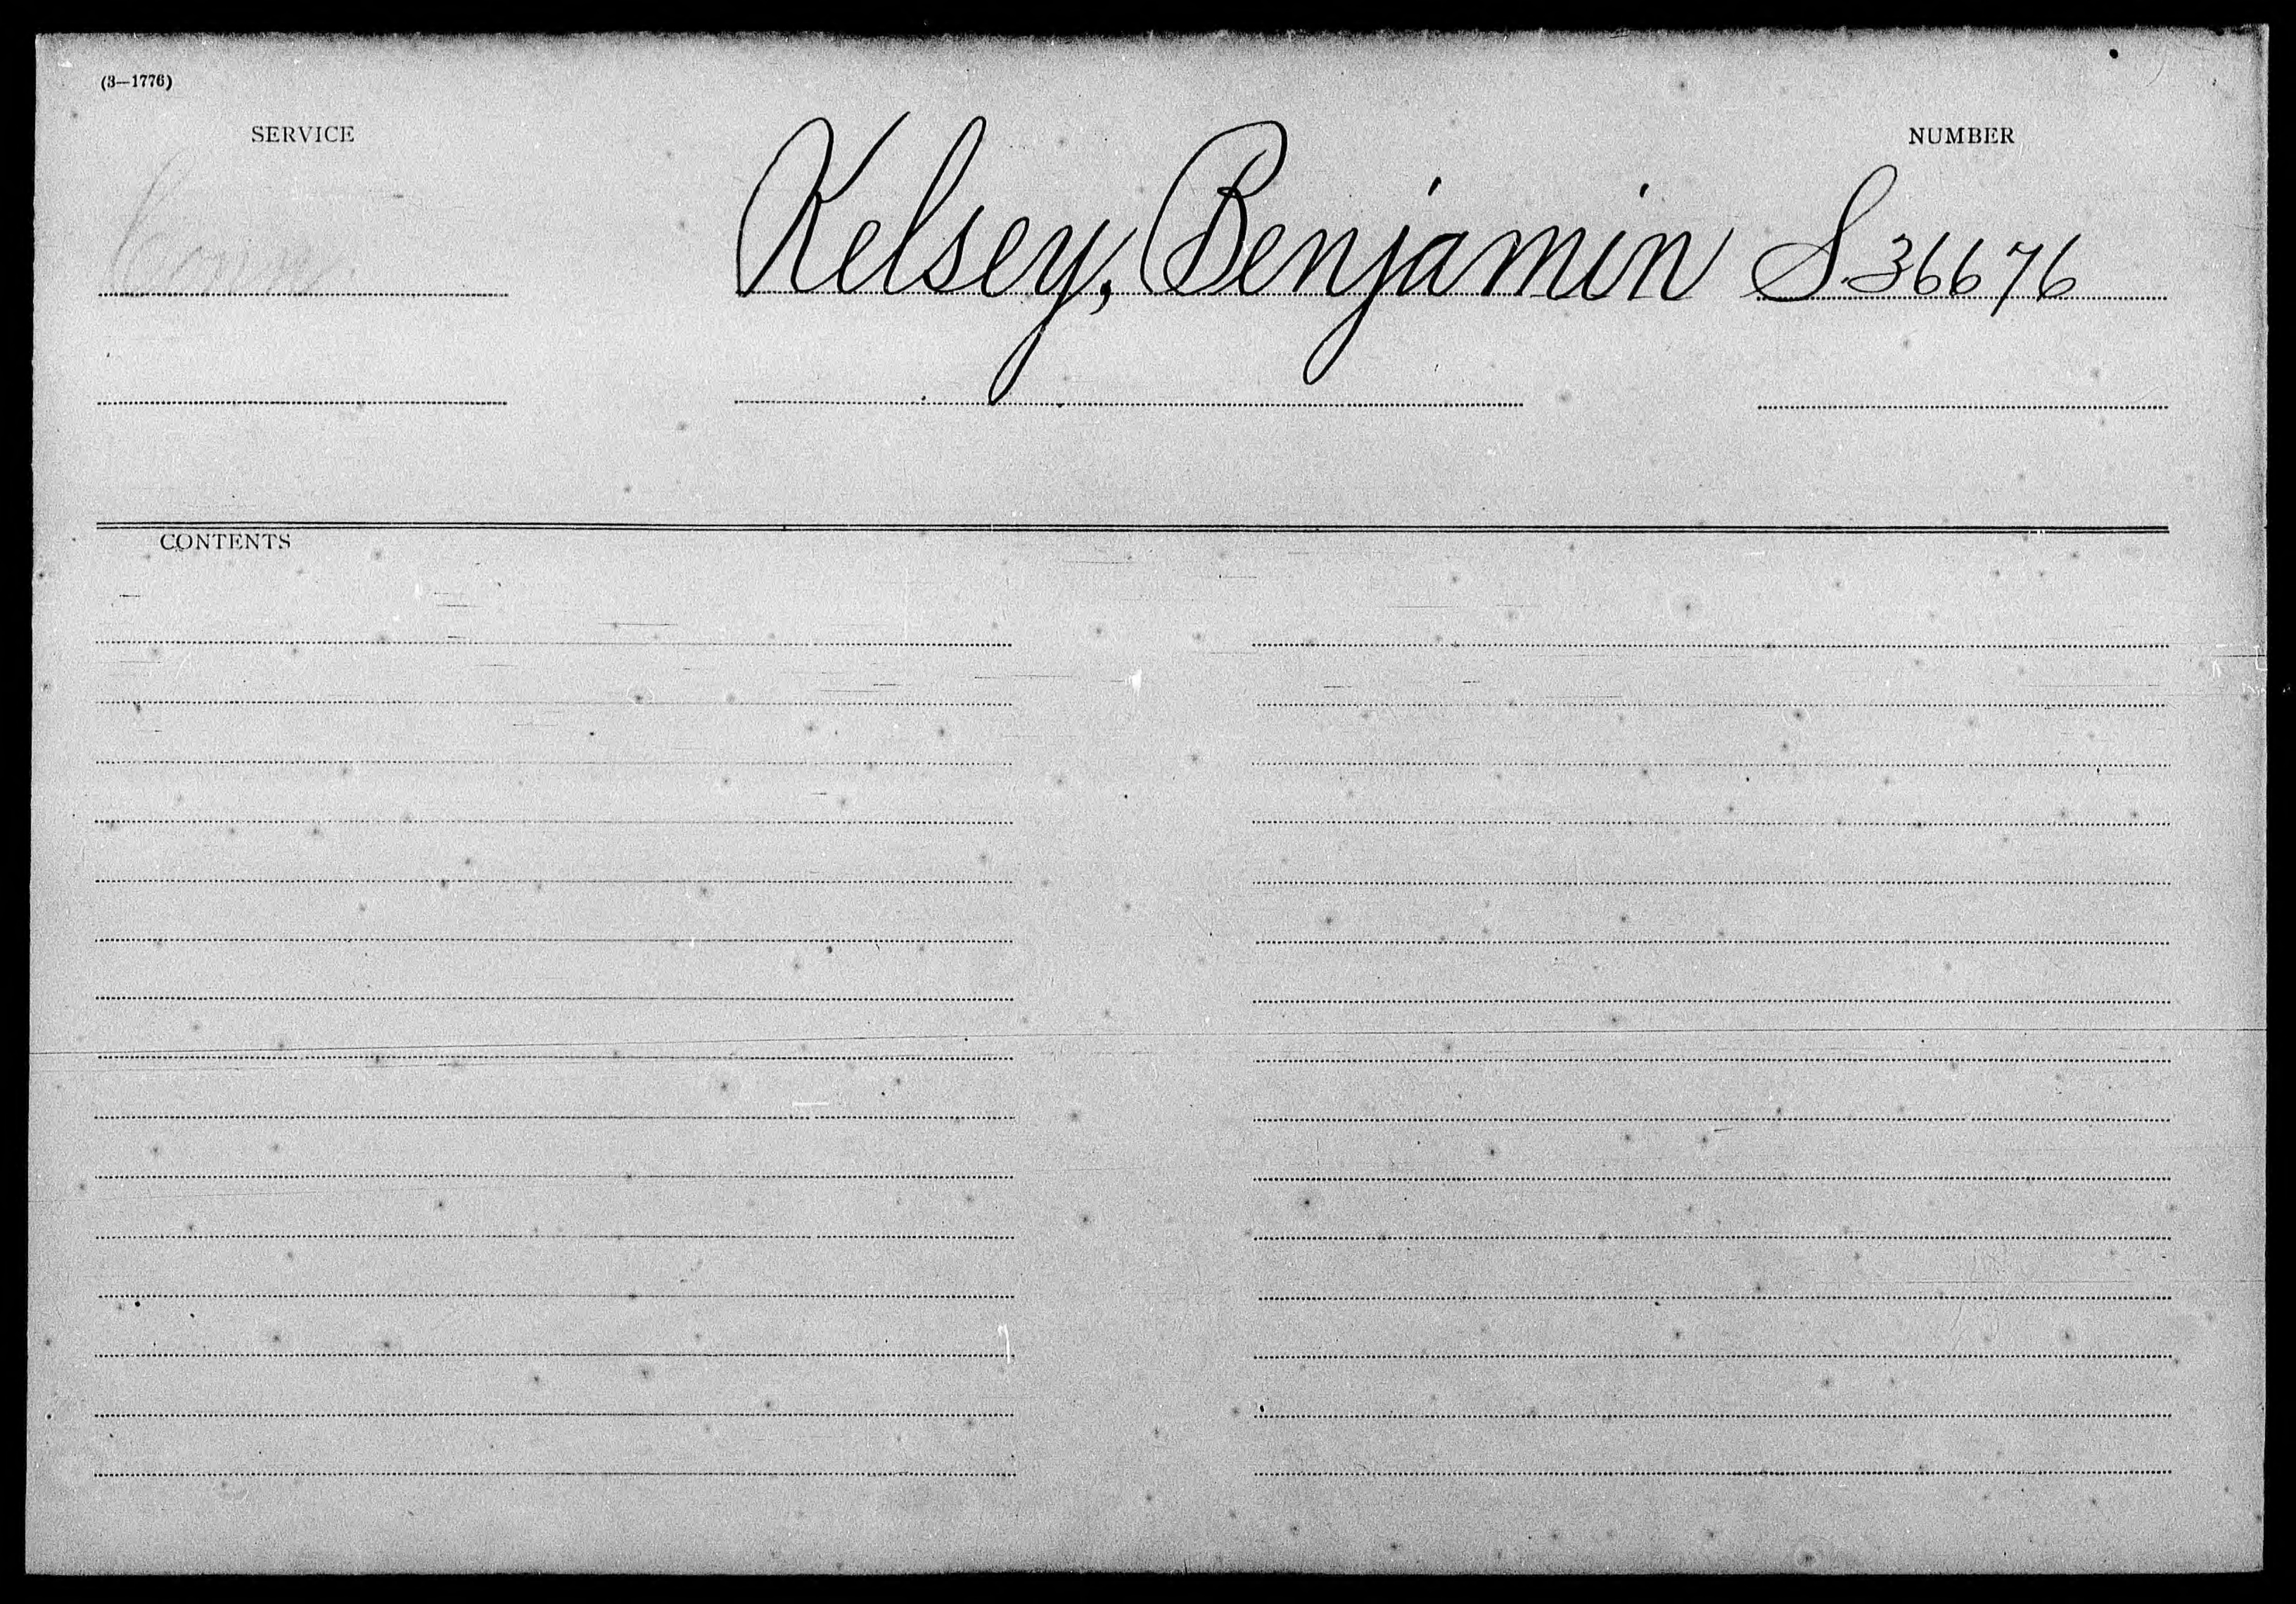SERVICE   Conn.
Kelsey, Benjamin
NUMBER  S. 36676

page: 1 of 21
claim: survivor's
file: S. 36676, for Benjamin Kelsey, Connecticut